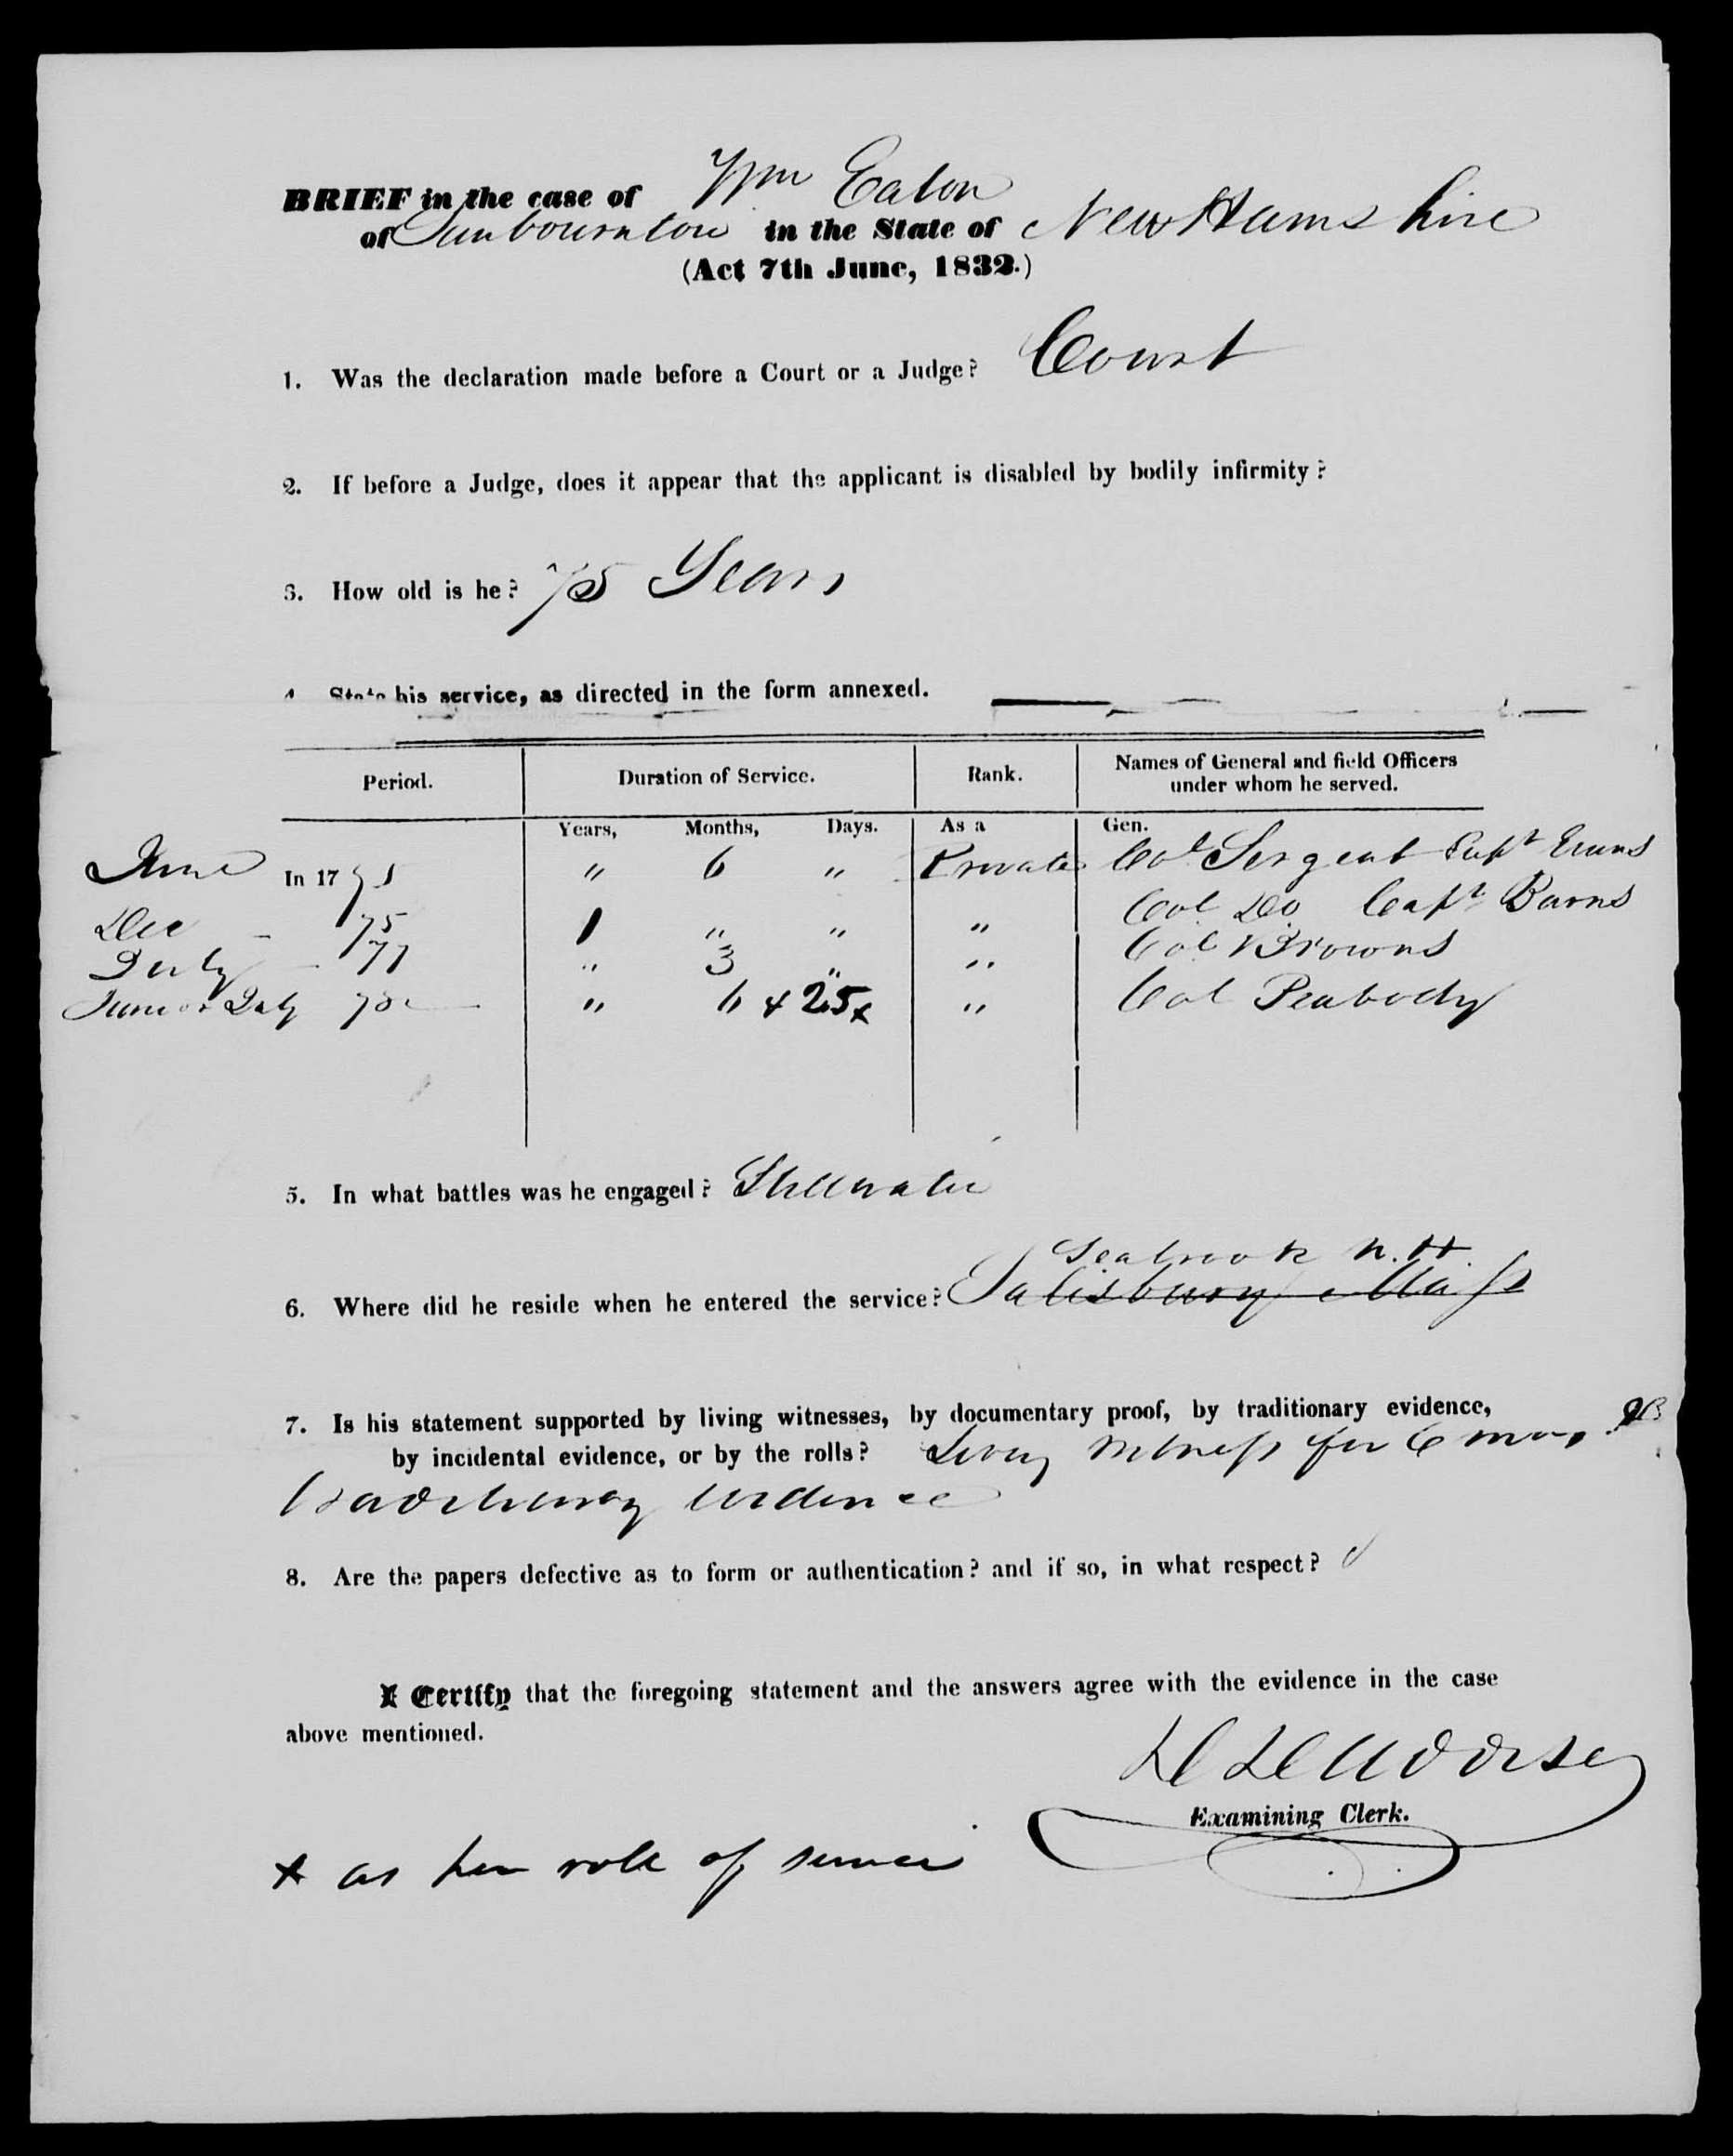BRIEF in the case of Wm Eaton of Sanbournton in the State of New Hamshire (Act 7th June, 1832.) 

1. Was the declaration made before a Court or a Judge? Court 
2. If before a Judge, does it appear that the applicant is disabled by bodily infirmity? 
3. How old is he? 75 years 
4. State his[service, as directed in the form annexed. 
[table headings] Period. | Duration of Service. Years, Months, 6 Days. | Rank. As a | Names of General and field Officers under whom he served.
[row 1] June in 1775 | " 6 " | Private | Colo Sergeant Capt Barnes
[row 2] Dec 1775 | 1 " " | " | Col Do Capt Barnes
[row 3] July 1777 | " 3 " | " | Col Browns
[row 4] June & July 1778 | " 6 & 25* | " | Col Peabody

5. In what battles was he engaged? Stillwater  6. Where did he reside when he entered the service? [crossed out: Salisbury, Mass] Seabrook NH 
7. Is his statement supported by living witnesses, by documentary proof, by traditionary evidence, by incidental evidence, or by the rolls? Living witness for 6 mos and traditionary evidence 
8. Are the papers defective as to form or authentication? and if so, in what respect?  same certify that the foregoing statement and the answers agree with the evidence in the case above mentioned.
D.D. Addison Examining Clerk.
* as per role of service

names: Evans, Wm Eaton, Barns, Browns, Peabody, D D Addison, Sergent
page: 8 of 21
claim: survivor's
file: S. 16374, William Eaton, Continental Mass. N.H.